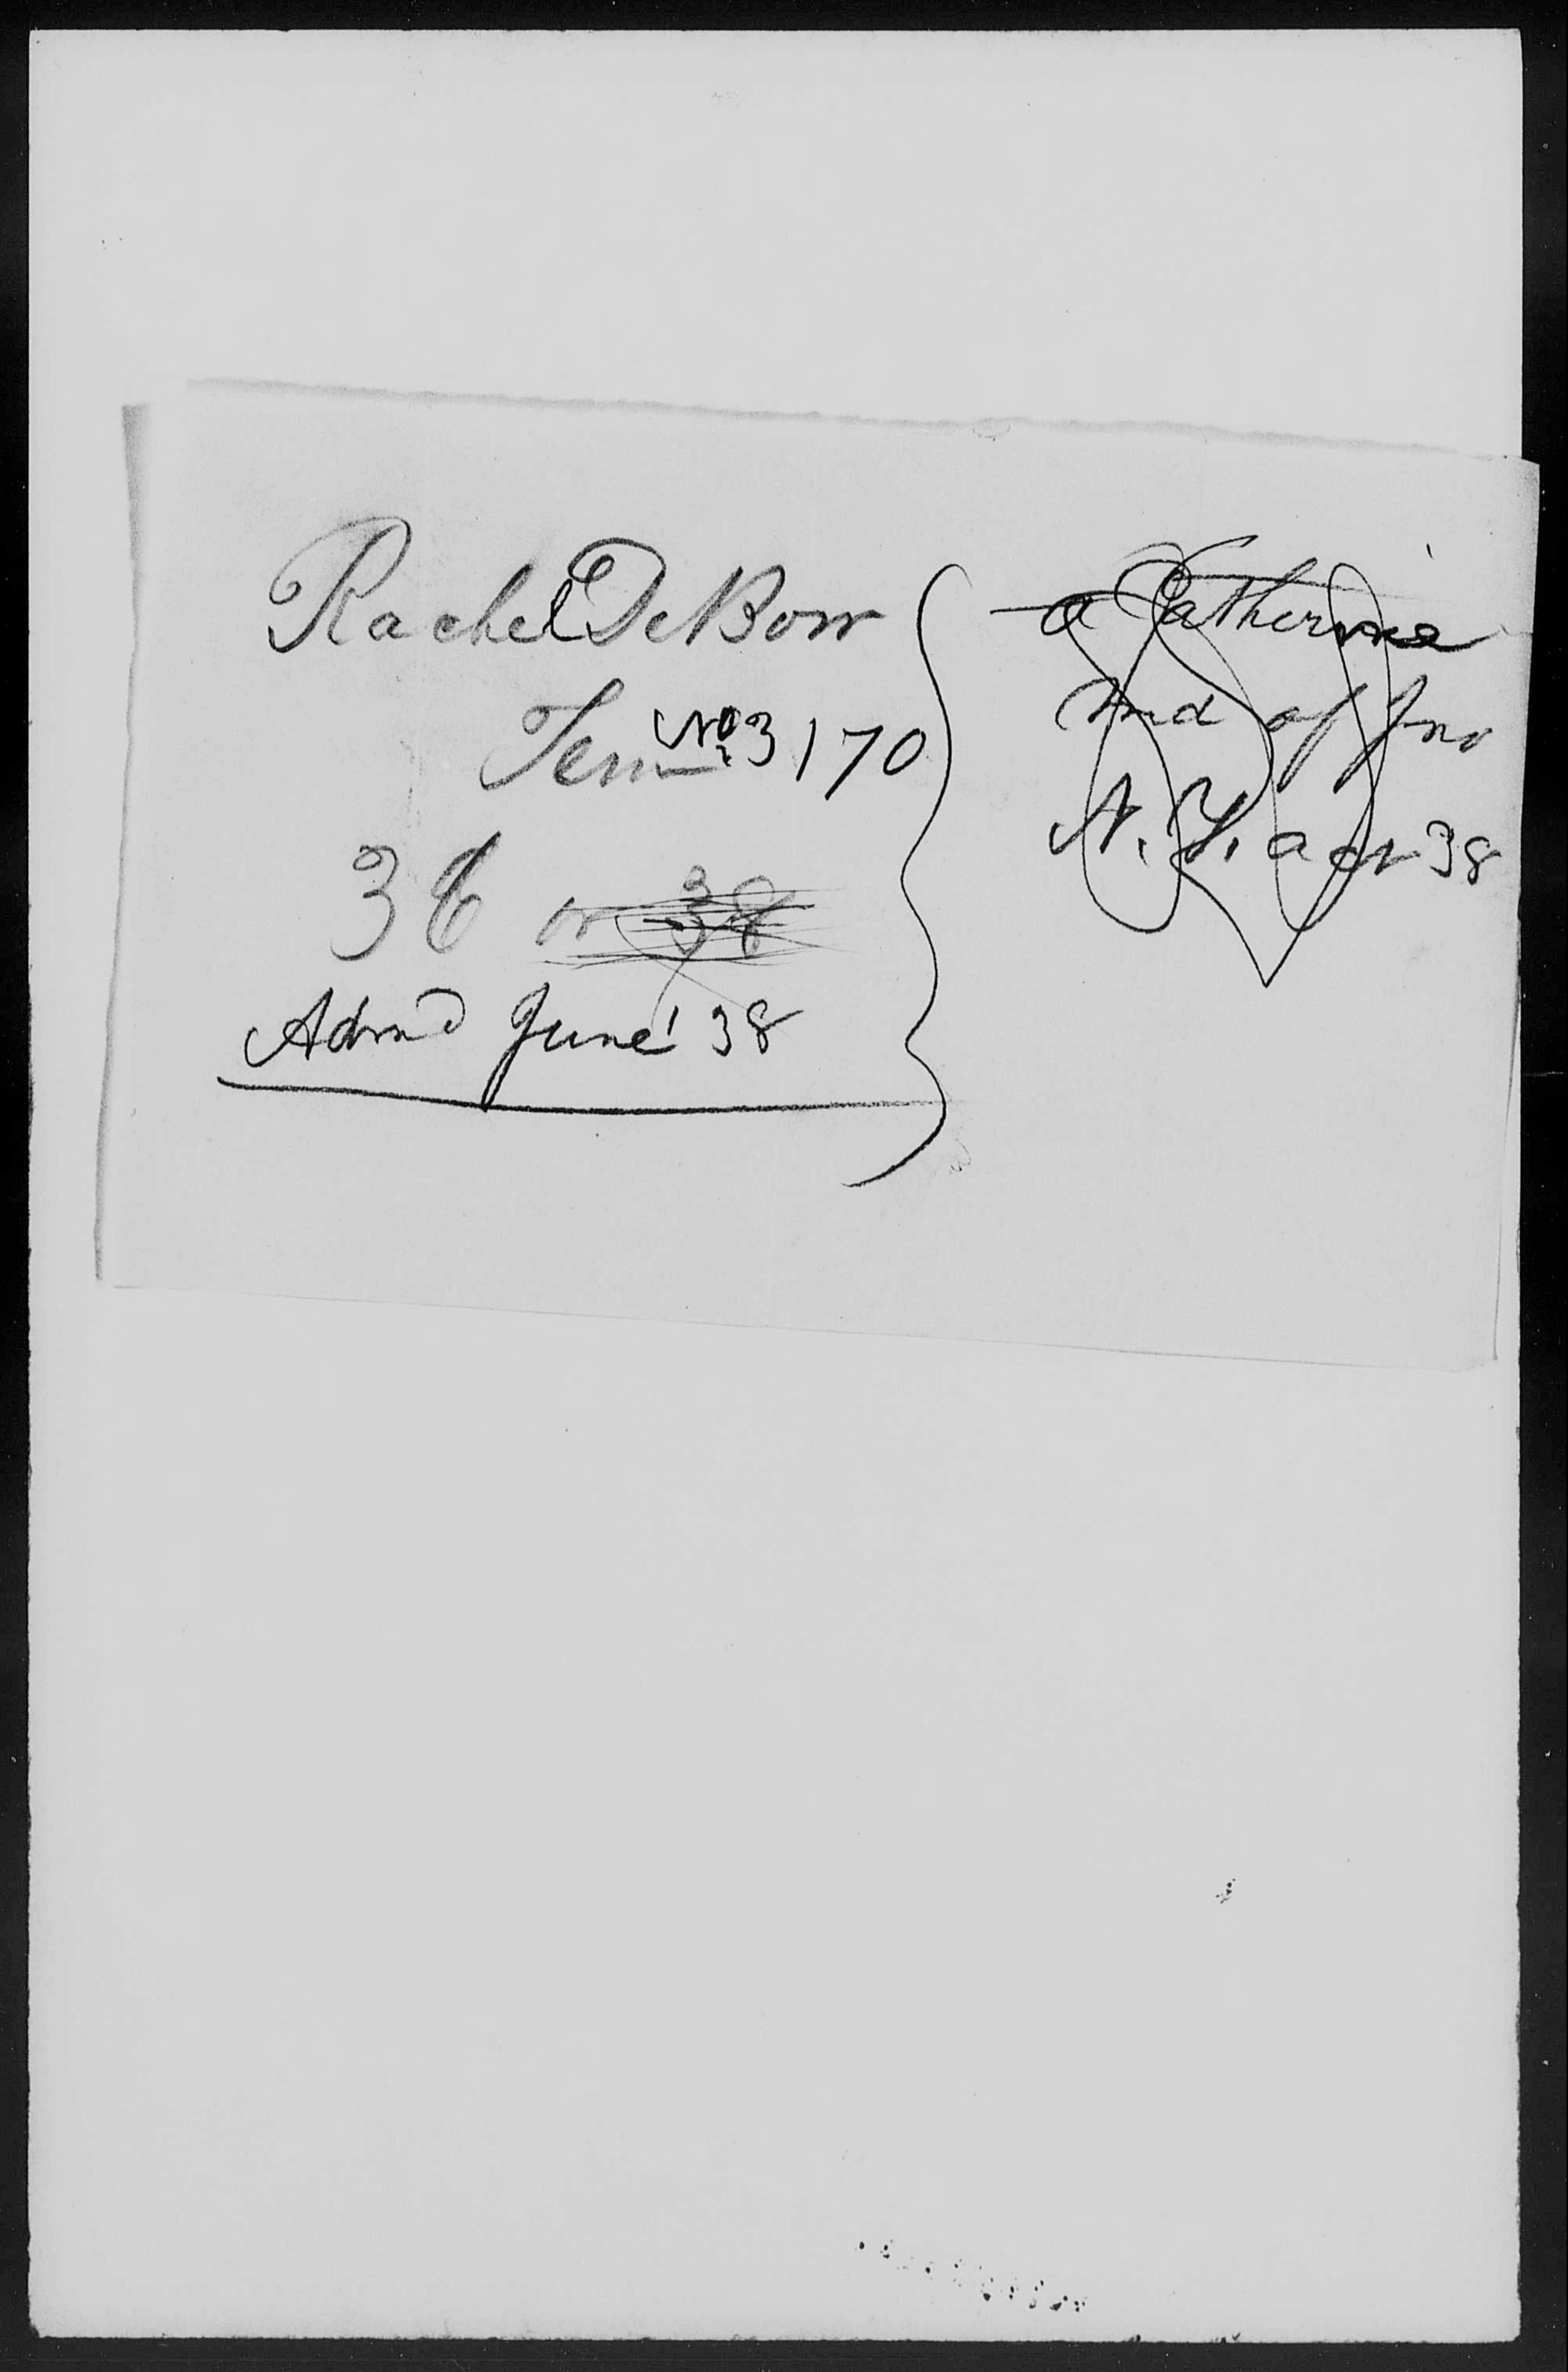Rachel Debow}  	[struck through a Chaterine and of June N.Y a N 38]
Ten No 3170}
36 [struck through 38]}
Adrand June ‘38]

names: Jno, Rachel Debow, Catharine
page: 52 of 62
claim: widow's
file: W 7005, Frederick Debow, N.C.